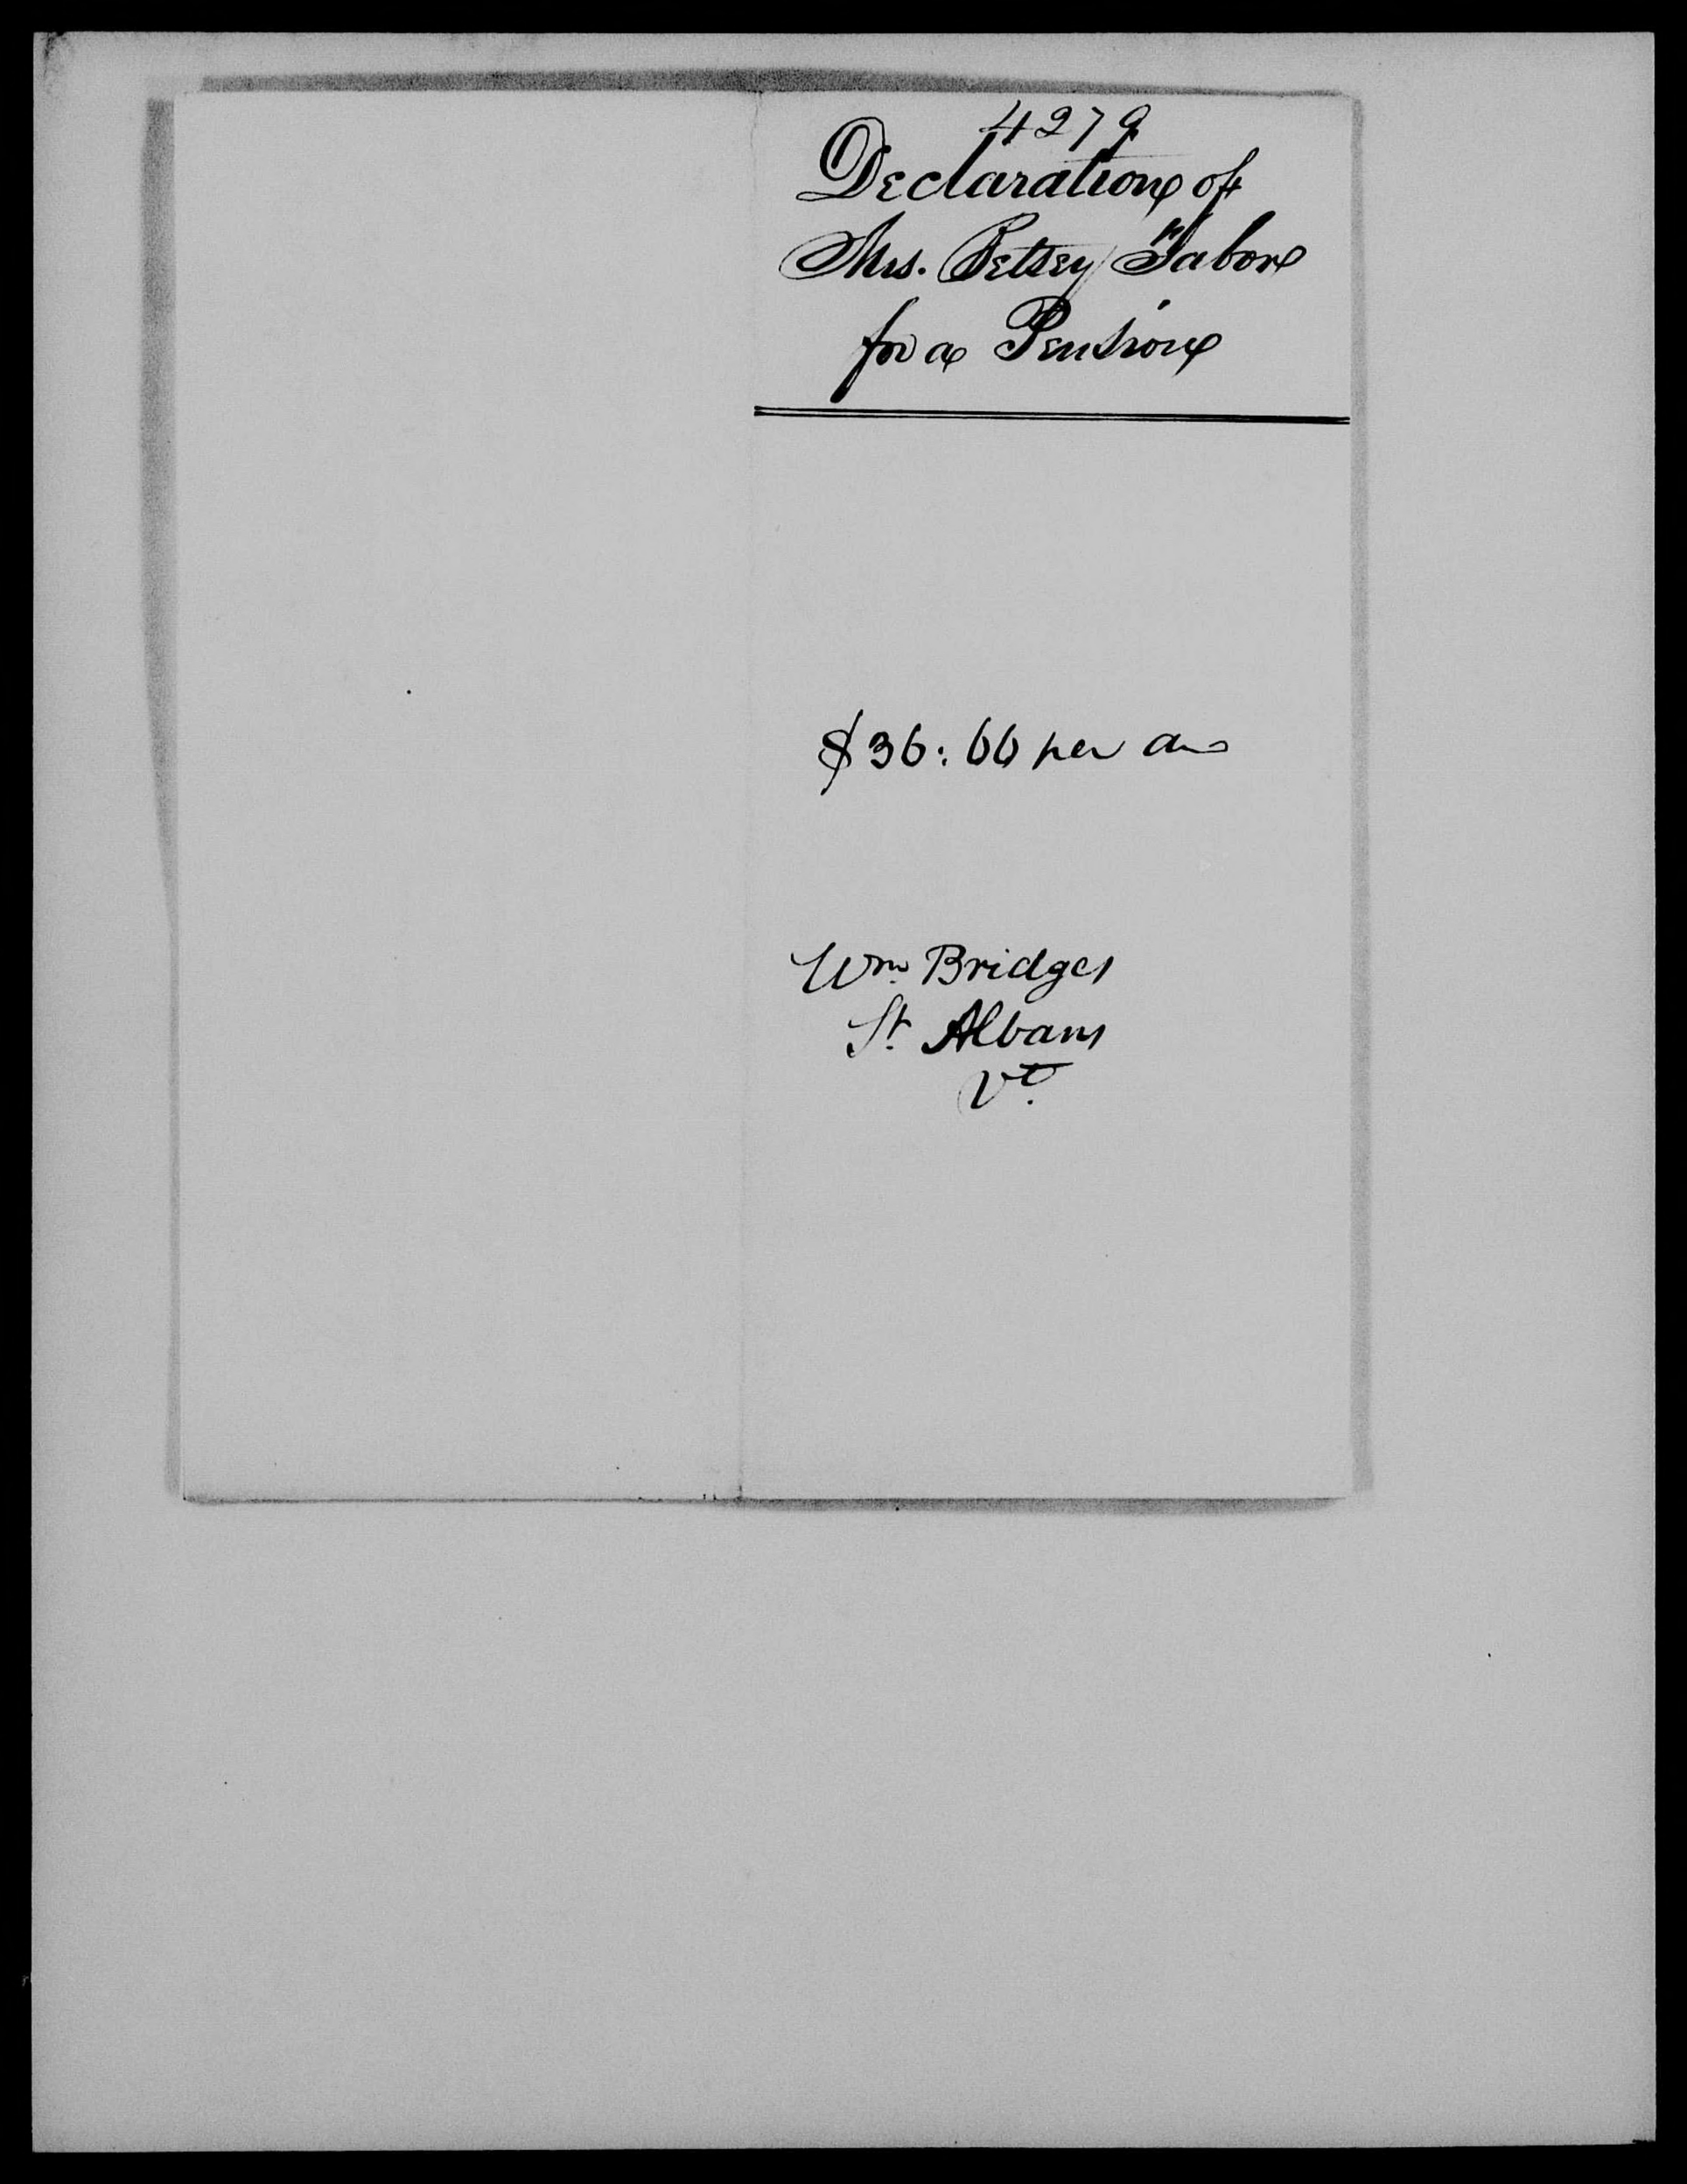4279
Declaration of
Mrs. Betsey Tabor
for a Pension

$36.66 per ann

Wm Bridges
St. Albans Vt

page: 27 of 41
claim: widow's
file: W 26507, for Church Tabor, Massachusetts